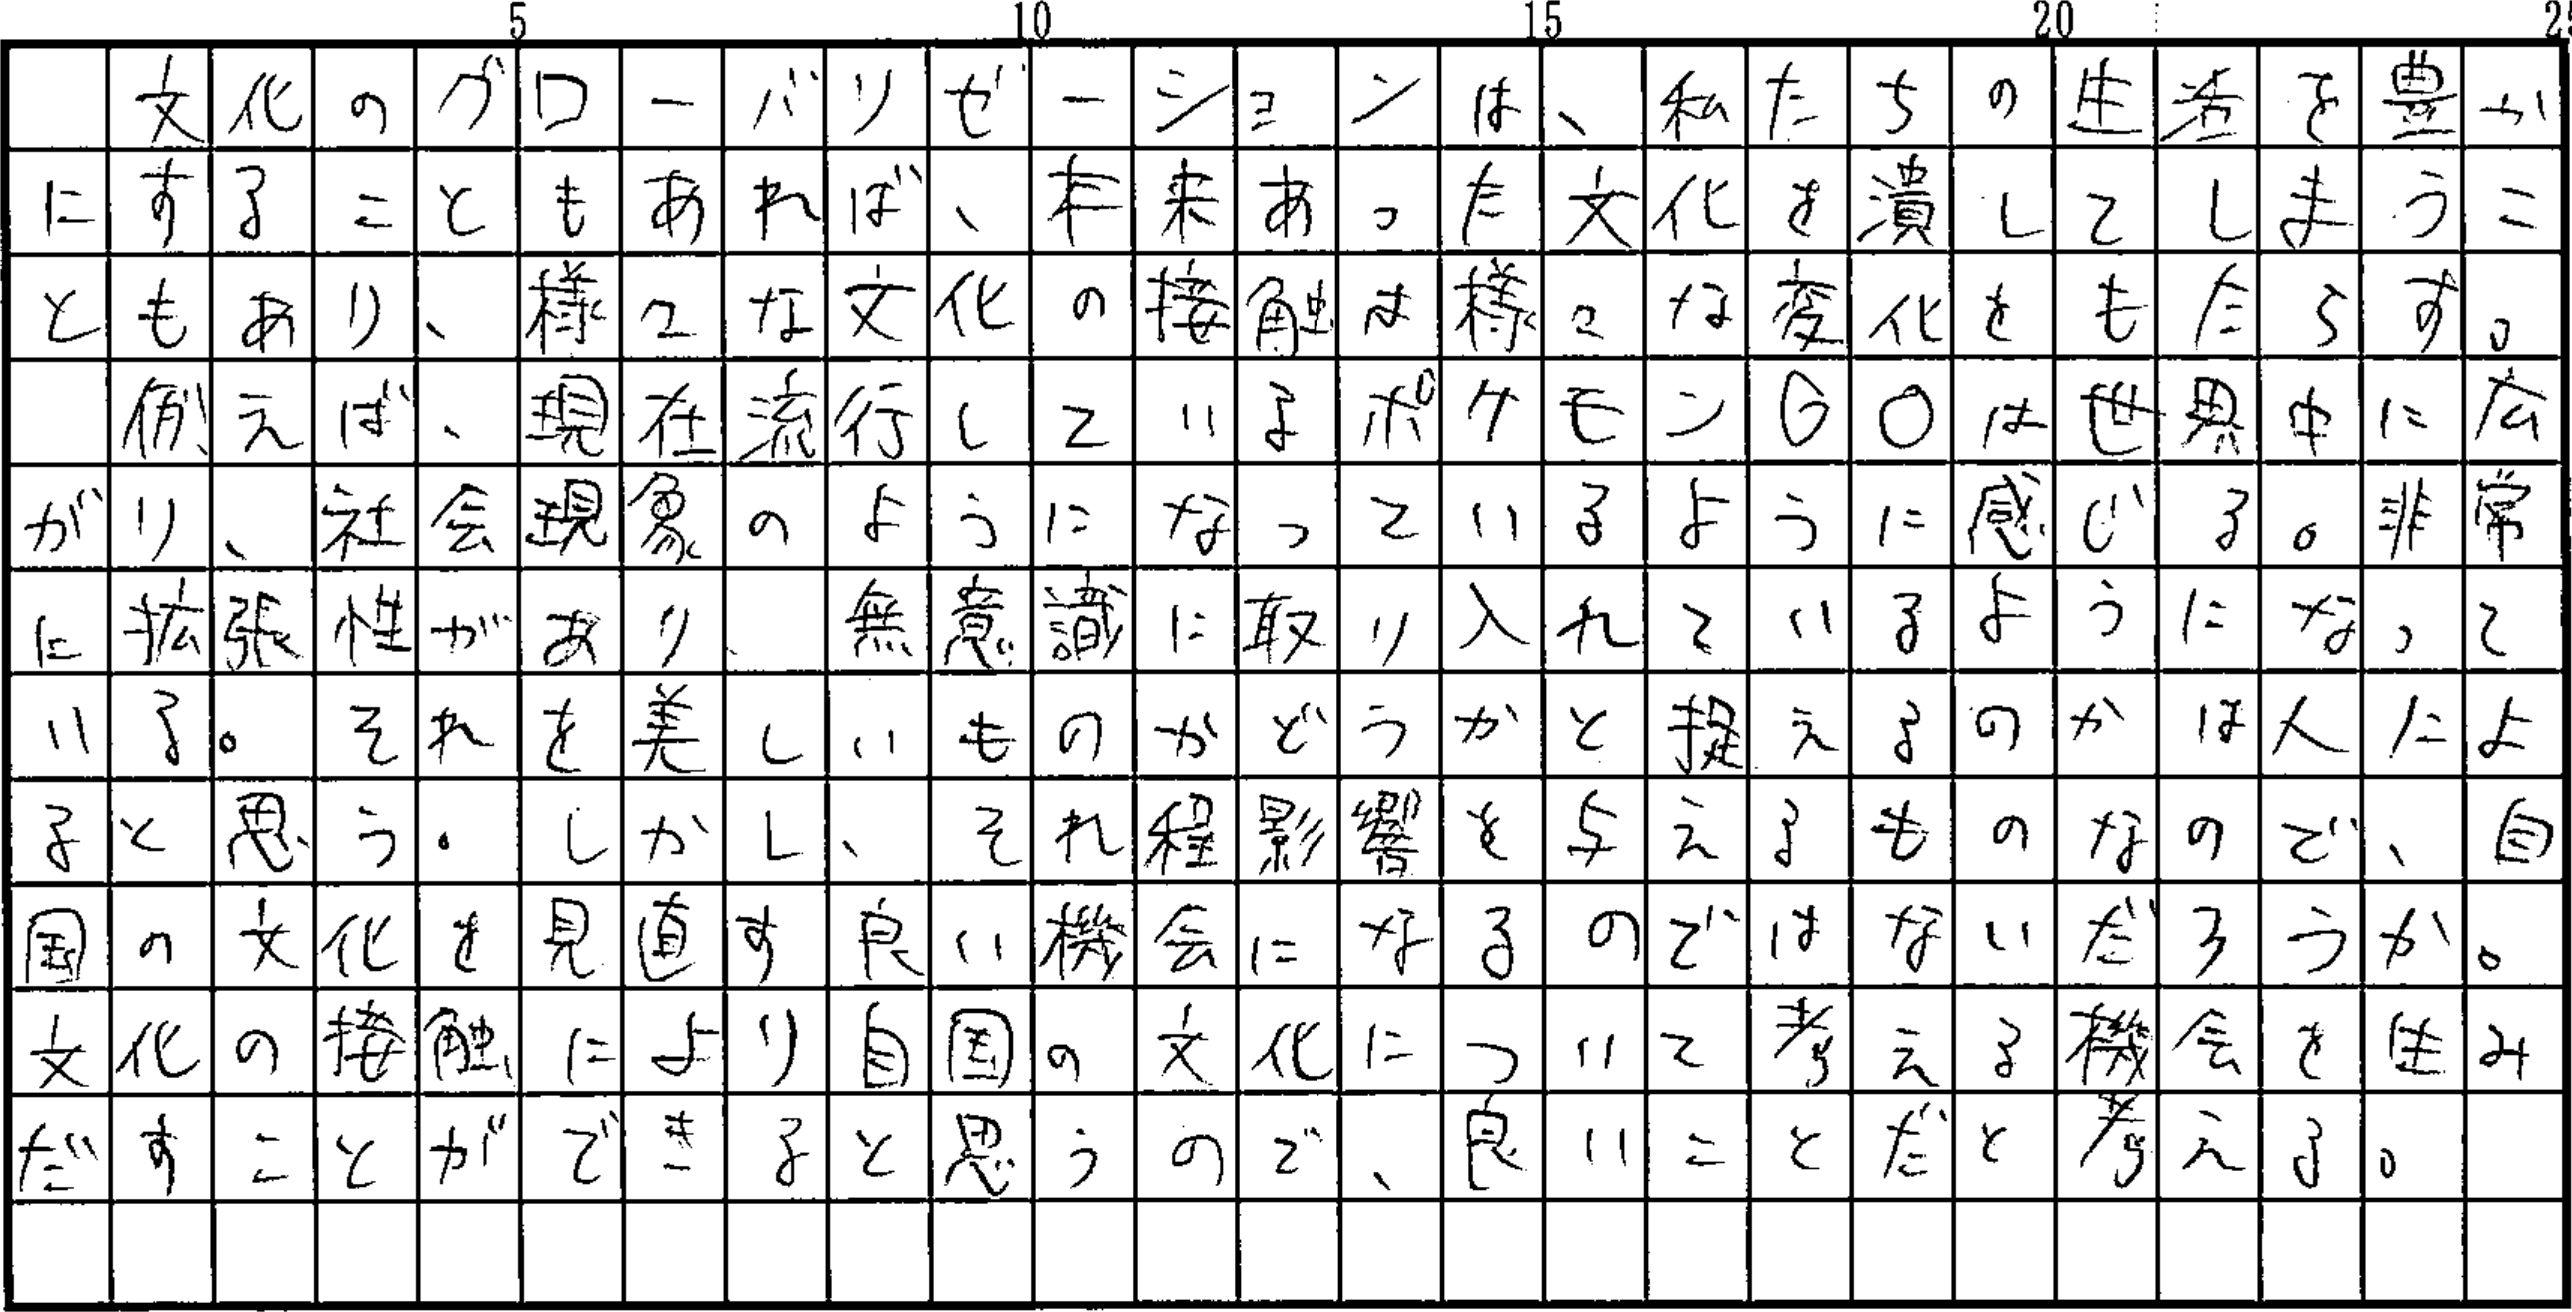　文化のグ ローバリゼーションは、私たちの生活を豊かにすることもあれば、本来あった文化を潰してしまうこともあり、様々な文化の接触は様々な変化をもたらす。
　例えば、現在流行しているポケモンＧＯは世界中に広がり、社会現象のようになっているように感じる。非常に拡張性があり、無意識に取り入れているようになっている。それを美しいものかどうかと捉えるのかは人によると思う。しかし、それ程影響を与えるものなので、自国の文化を見直す良い機会になるのではないだろうか。文化の接触により自国の文化について考える機会を生みだすことができると思うので、良いことだと考える。
